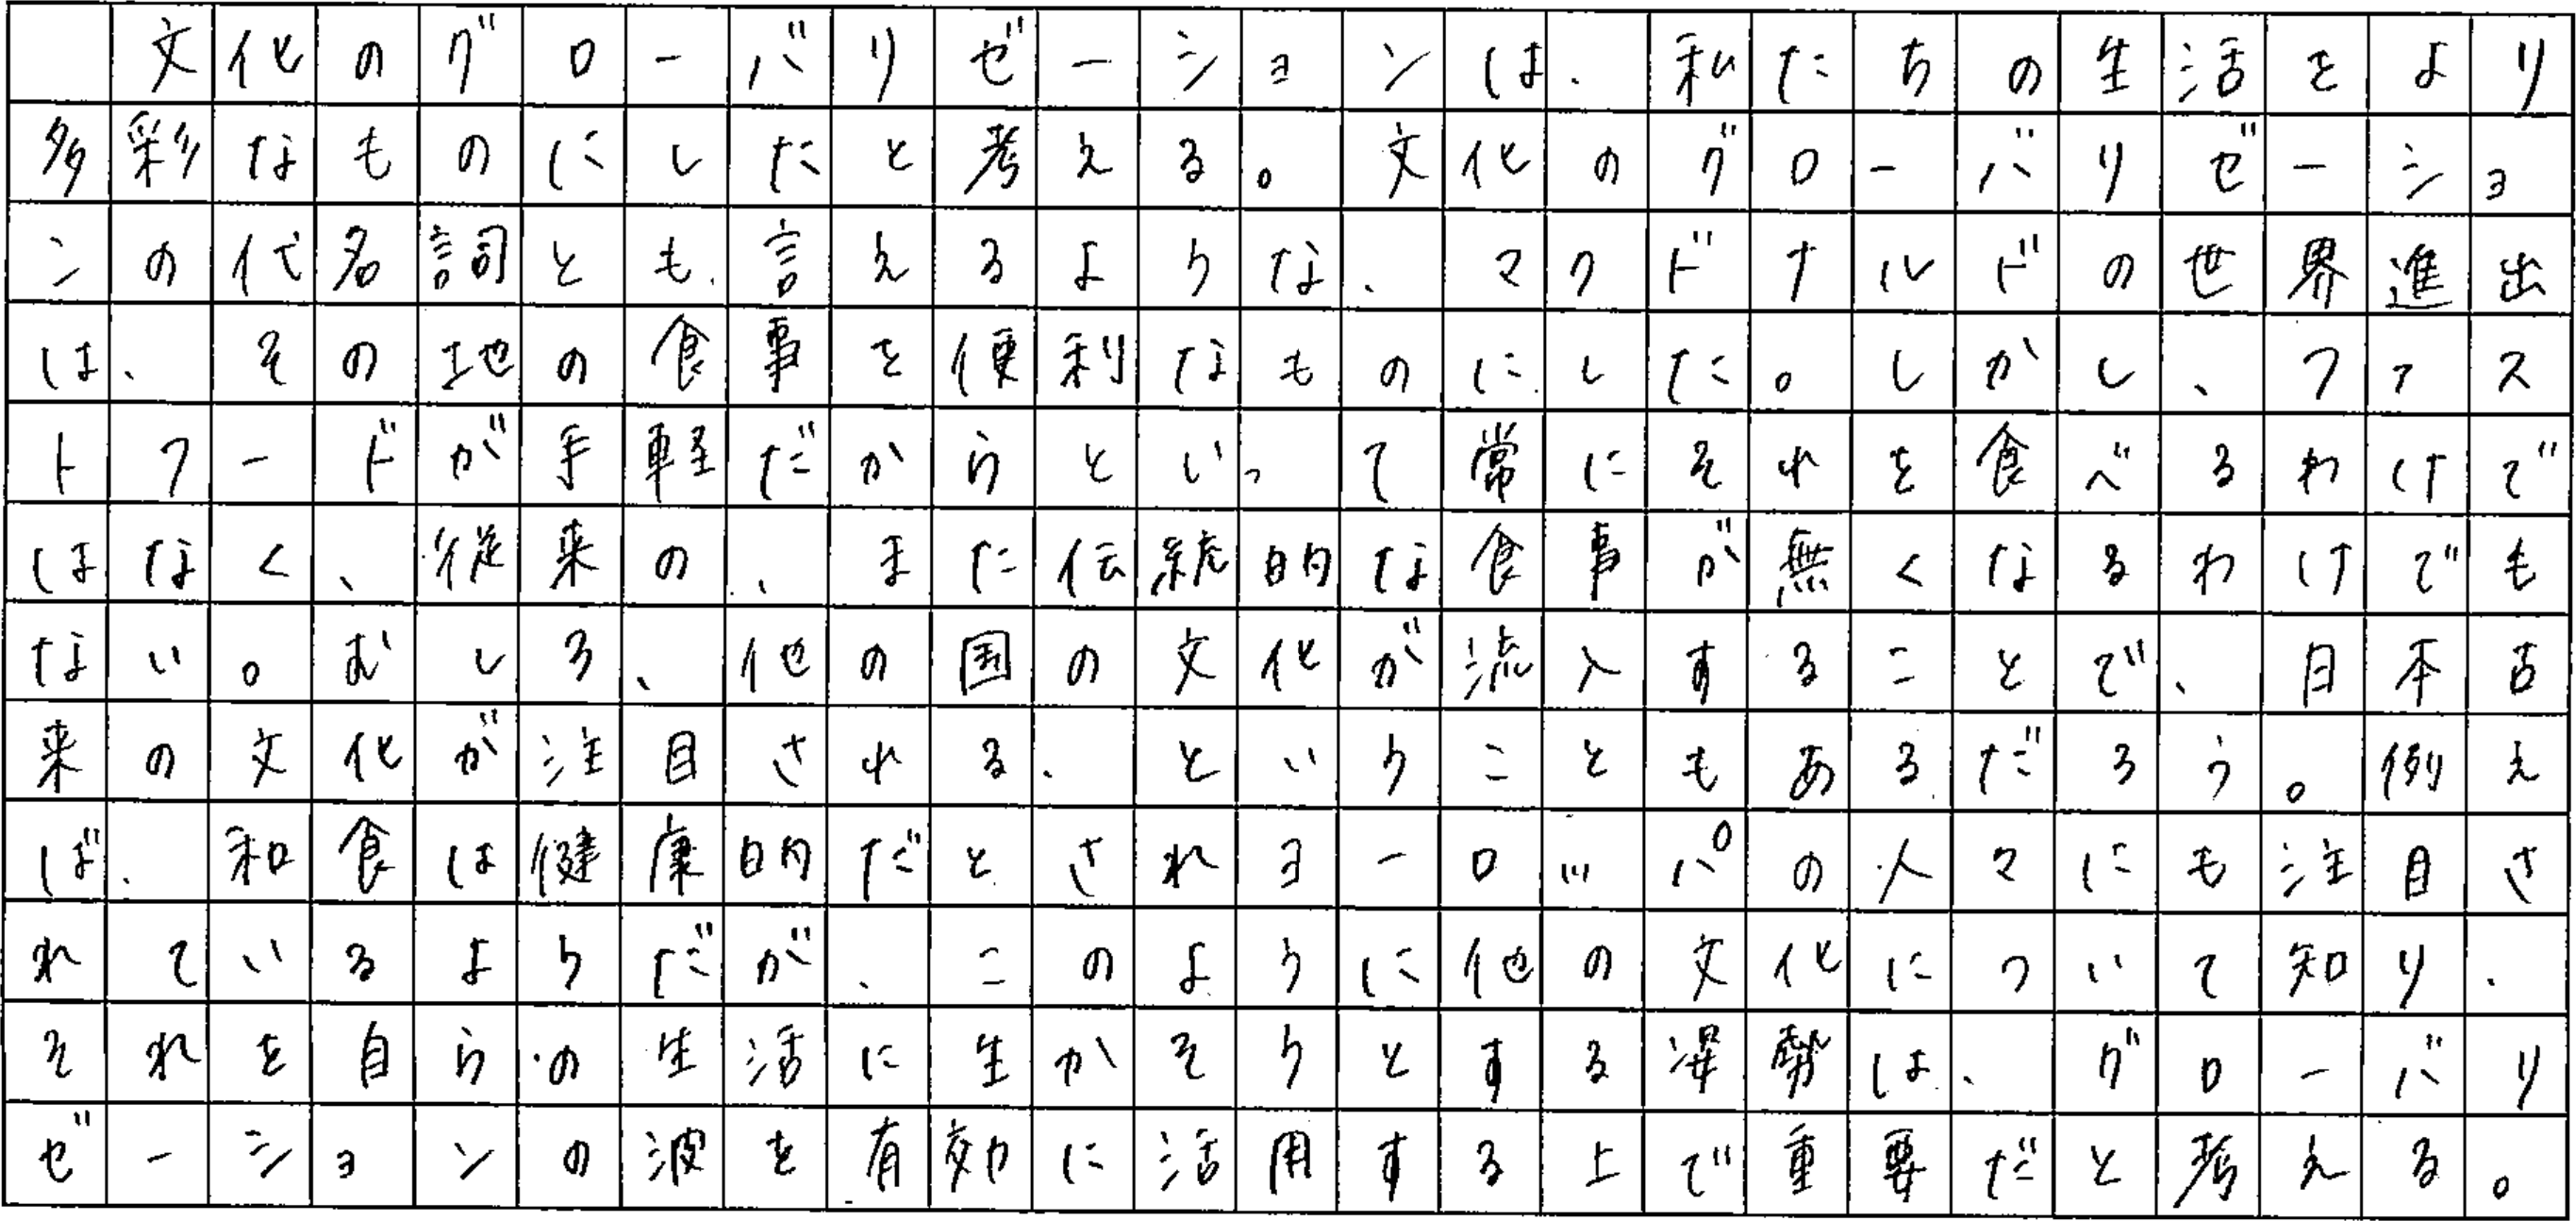　文化のグローバリゼーションは、私たちの生活をより多彩なものにしたと考える。文化のグローバリゼーションの代名詞とも言えるような、マクドナルドの世界進出は、その地の食事を便利なものにした。しかし、ファストフードが手軽だからといって常にそれを食べるわけではなく、従来の、また伝統的な食事が無くなるわけでもない。むしろ、他の国の文化が流入することで、日本古来の文化が注目される、ということもあるだろう。例えば、和食は健康的だとされヨーロッパの人々にも注目されているようだが、このように他の文化について知り、それを自らの生活に生かそうとする姿勢は、グローバリゼーションの波を有効に活用する上で重要だと考える。
